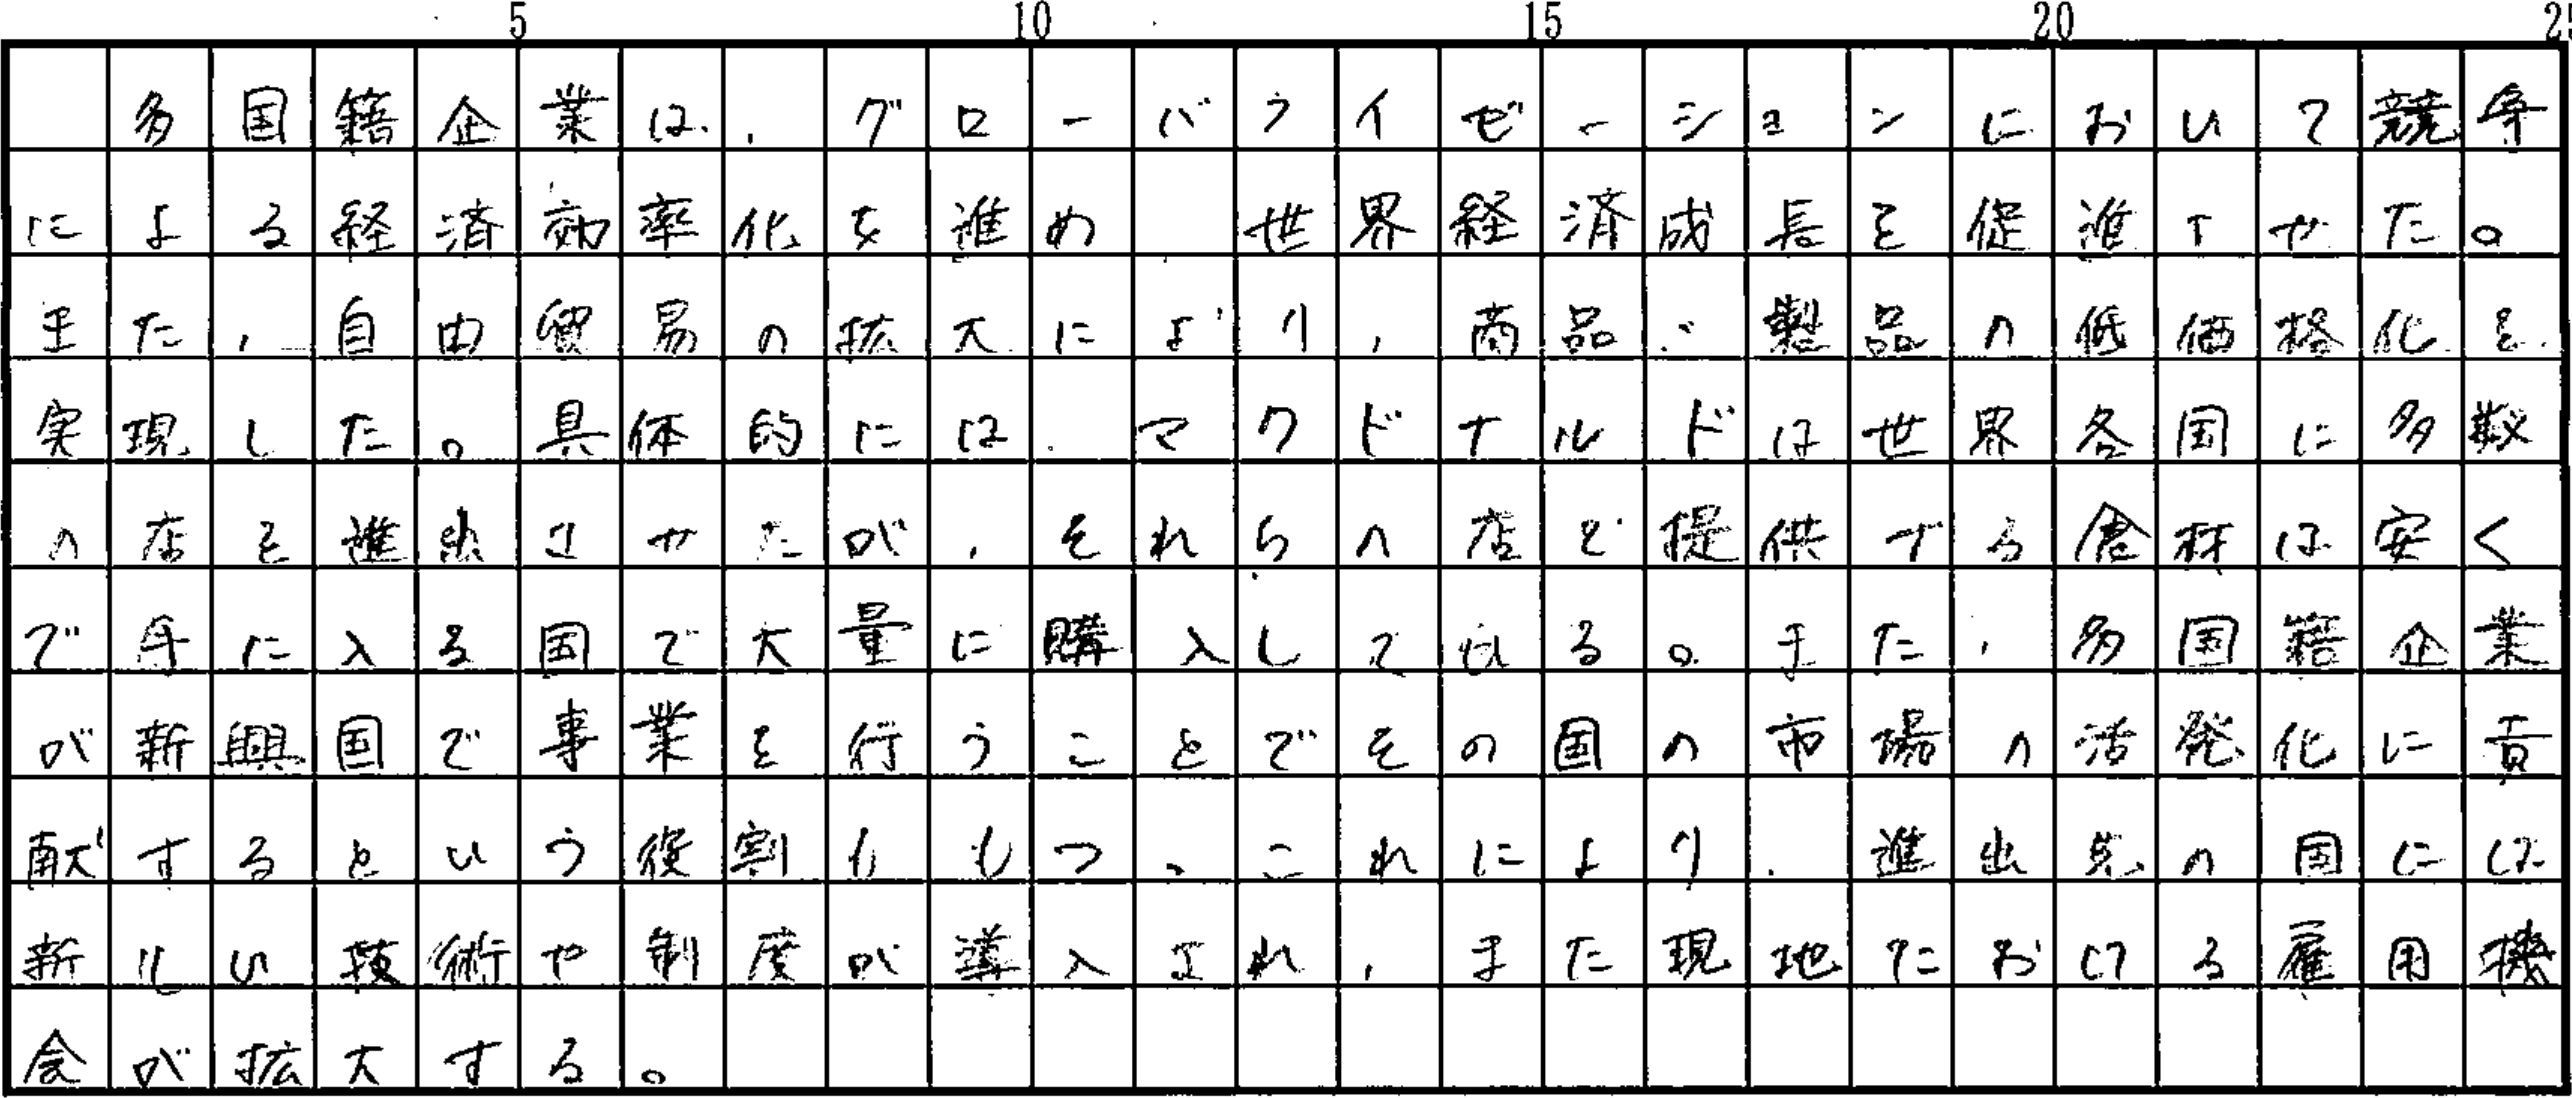　多国籍企業は、グローバライゼーションにおいて競争による経済効率化を進め、世界経済成長を促進させた。また、自由貿易の拡大により、商品・製品の低価格化を実現した。具体的には、マクドナルドは世界各国に多数の店を進出させたが、それらの店で提供する食材は安くで手に入る国で大量に購入している。また、多国籍企業が新興国で事業を行うことでその国の市場の活発化に貢献するという役割ももつ。これにより、進出先の国には新しい技術や制度が導入され、また現地における雇用機会が拡大する。
